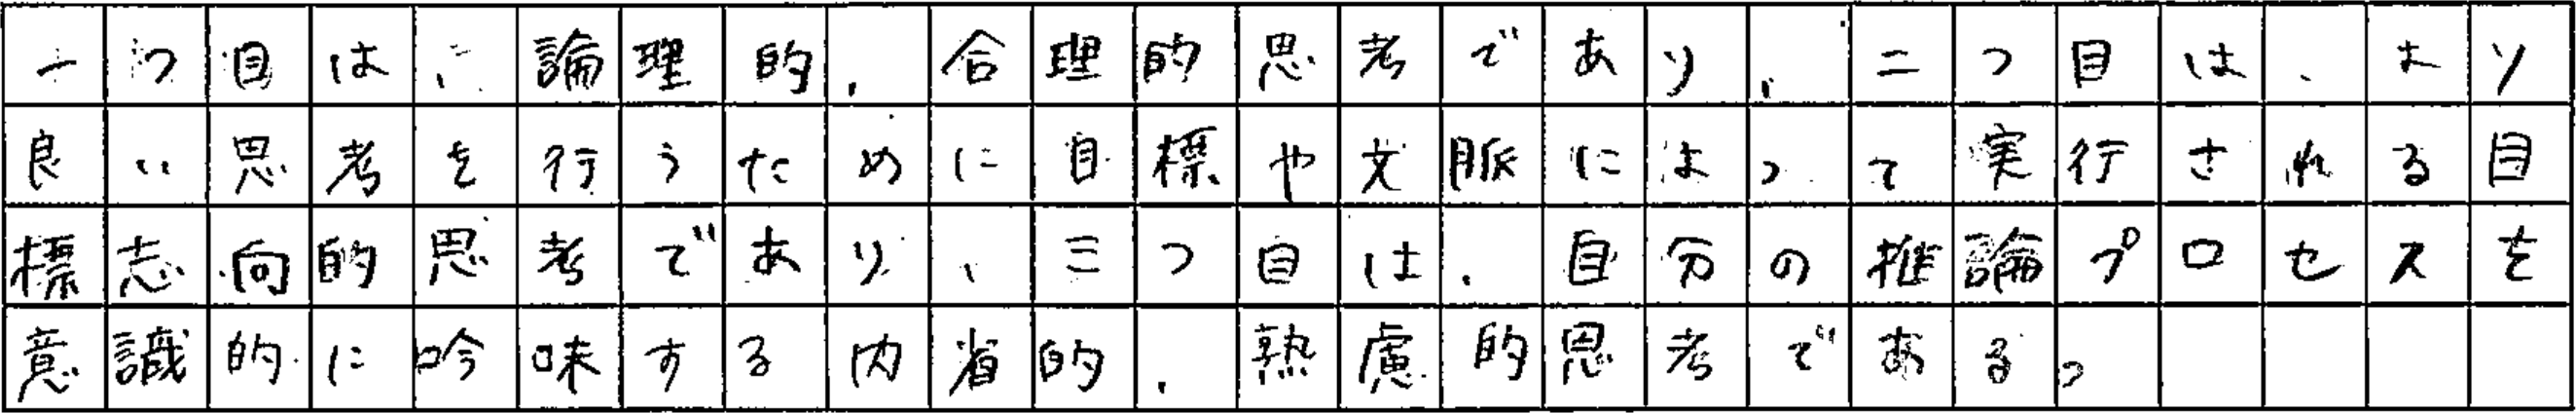一つ目は、論理的、合理的思考であり、二つ目は、より良い思考を行うために目標や文脈によって実行される目標志向的思考であり、三つ目は、自分の推論プロセスを意識的に吟味する内省的、熟慮的思考である。
